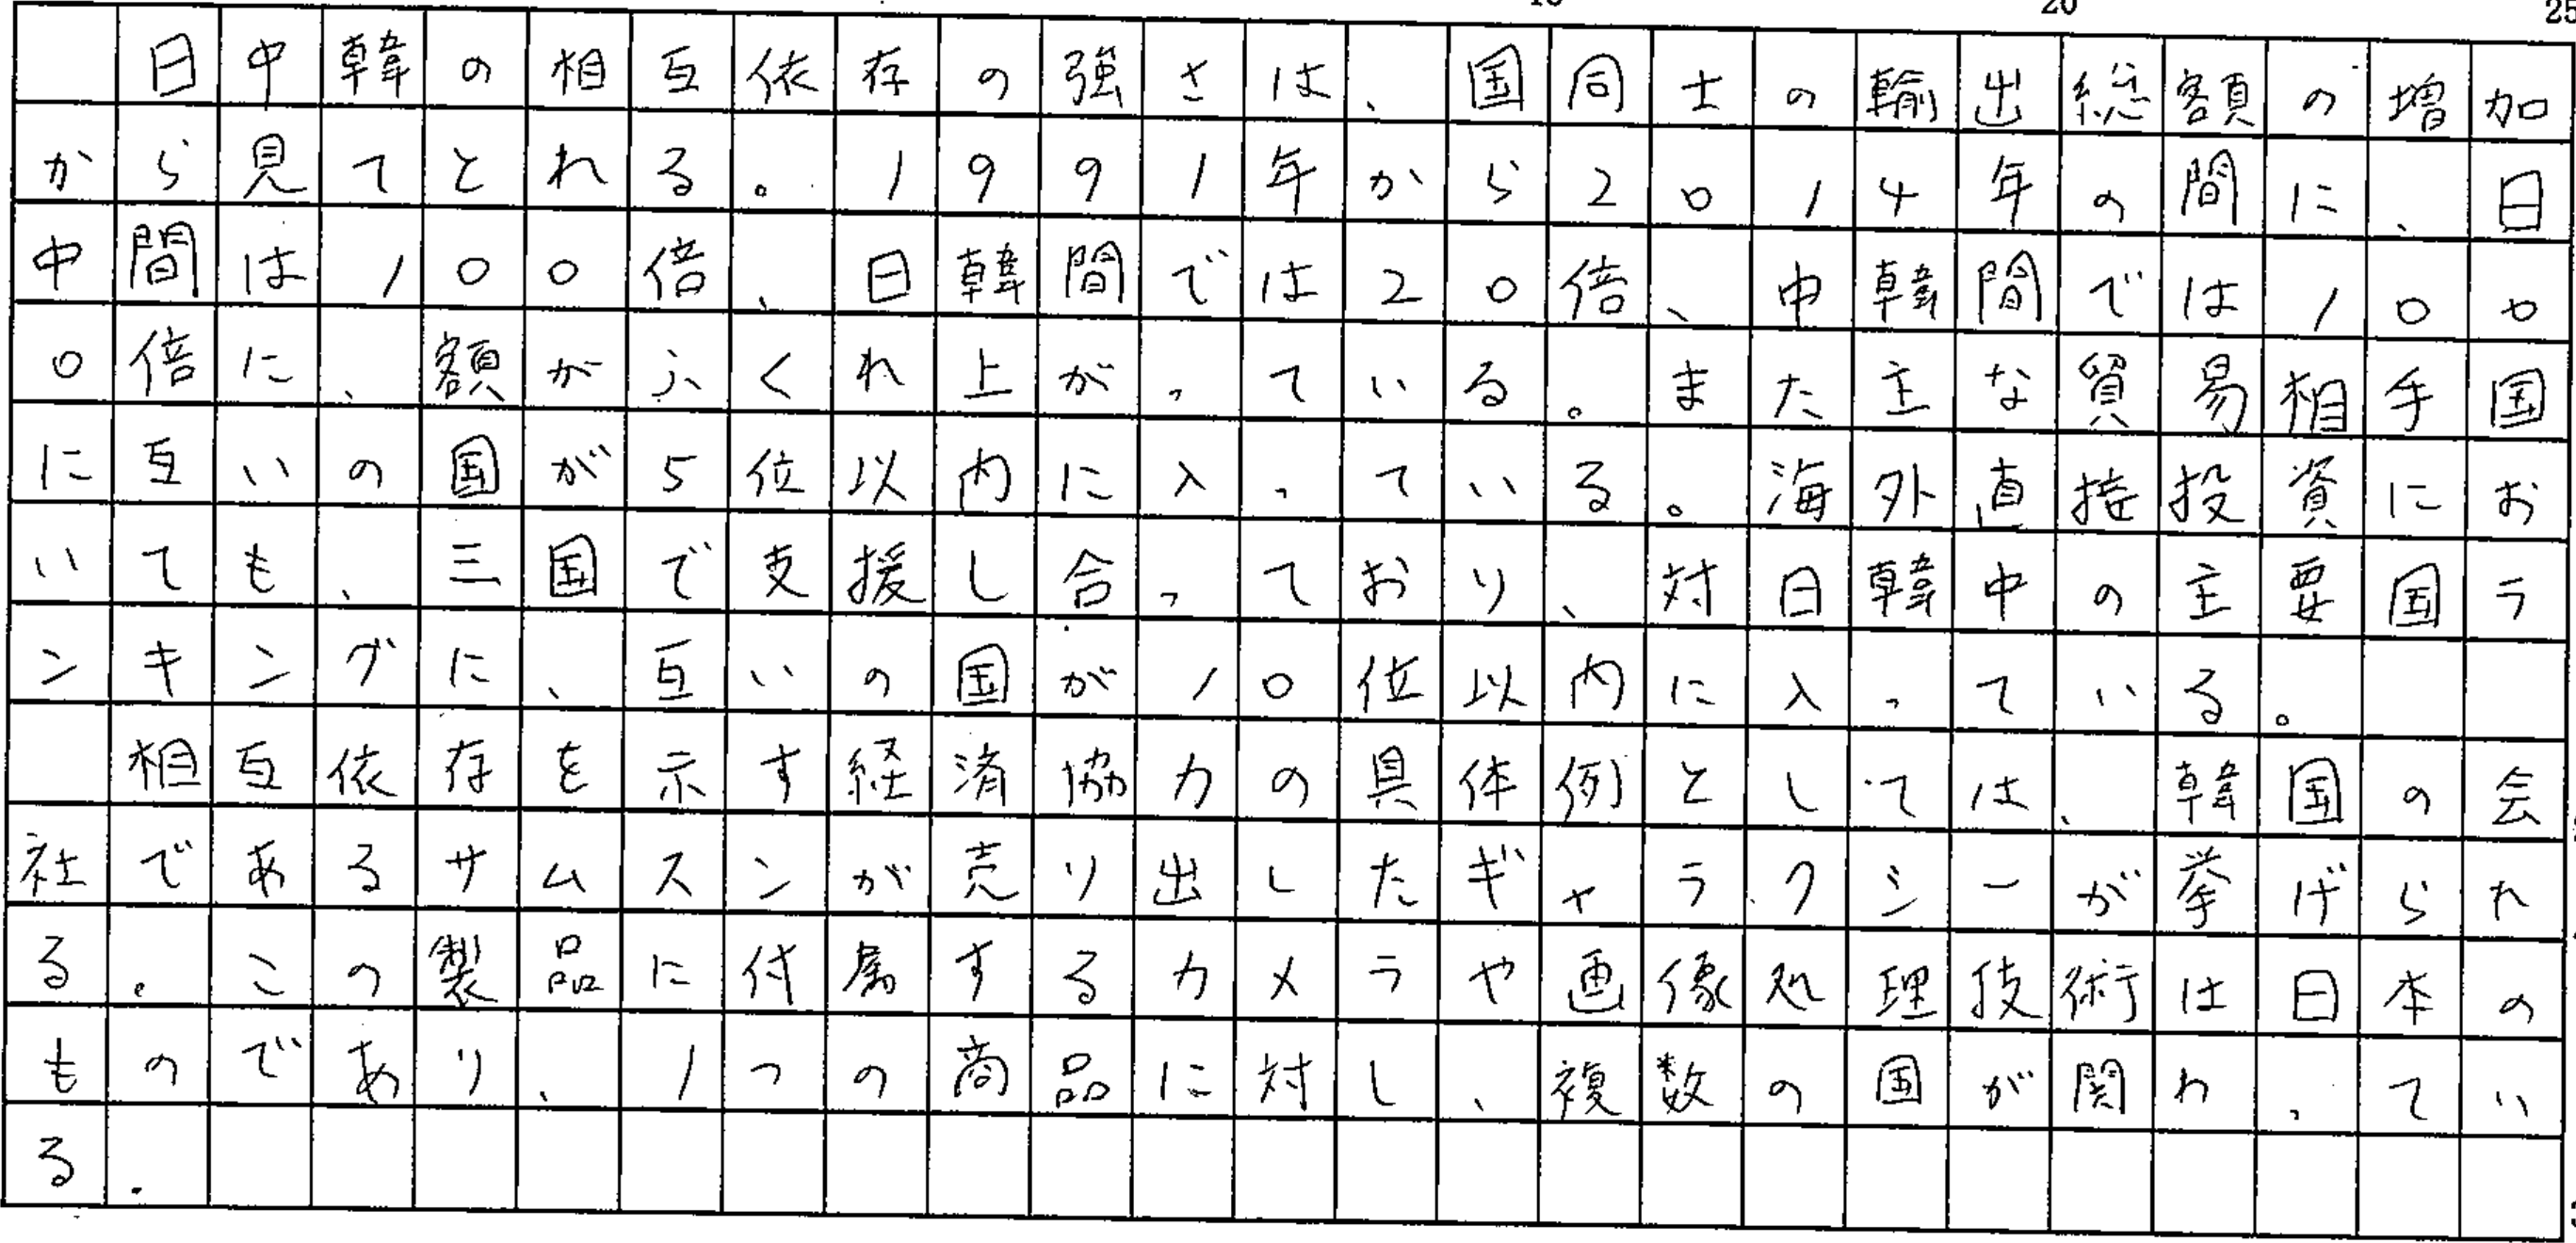　日中韓の相互依存の強さは、国同士の輸出総額の増加から見てとれる。１９９１年から２０１４年の間に、日中間は１００倍、日韓間では２０倍、中韓間では１０００倍に、額がふくれ上がっている。また主な貿易相手国に互いの国が５位以内に入っている。海外直接投資においても、三国で支援し合っており、対日韓中の主要国ランキングに、互いの国が１０位以内に入っている。
　相互依存を示す経済協力の具体例としては、韓国の会社であるサムスンが売り出したギャラクシーが挙げられる。この製品に付属するカメラや画像処理技術は日本のものであり、１つの商品に対し、複数の国が関わっている。
